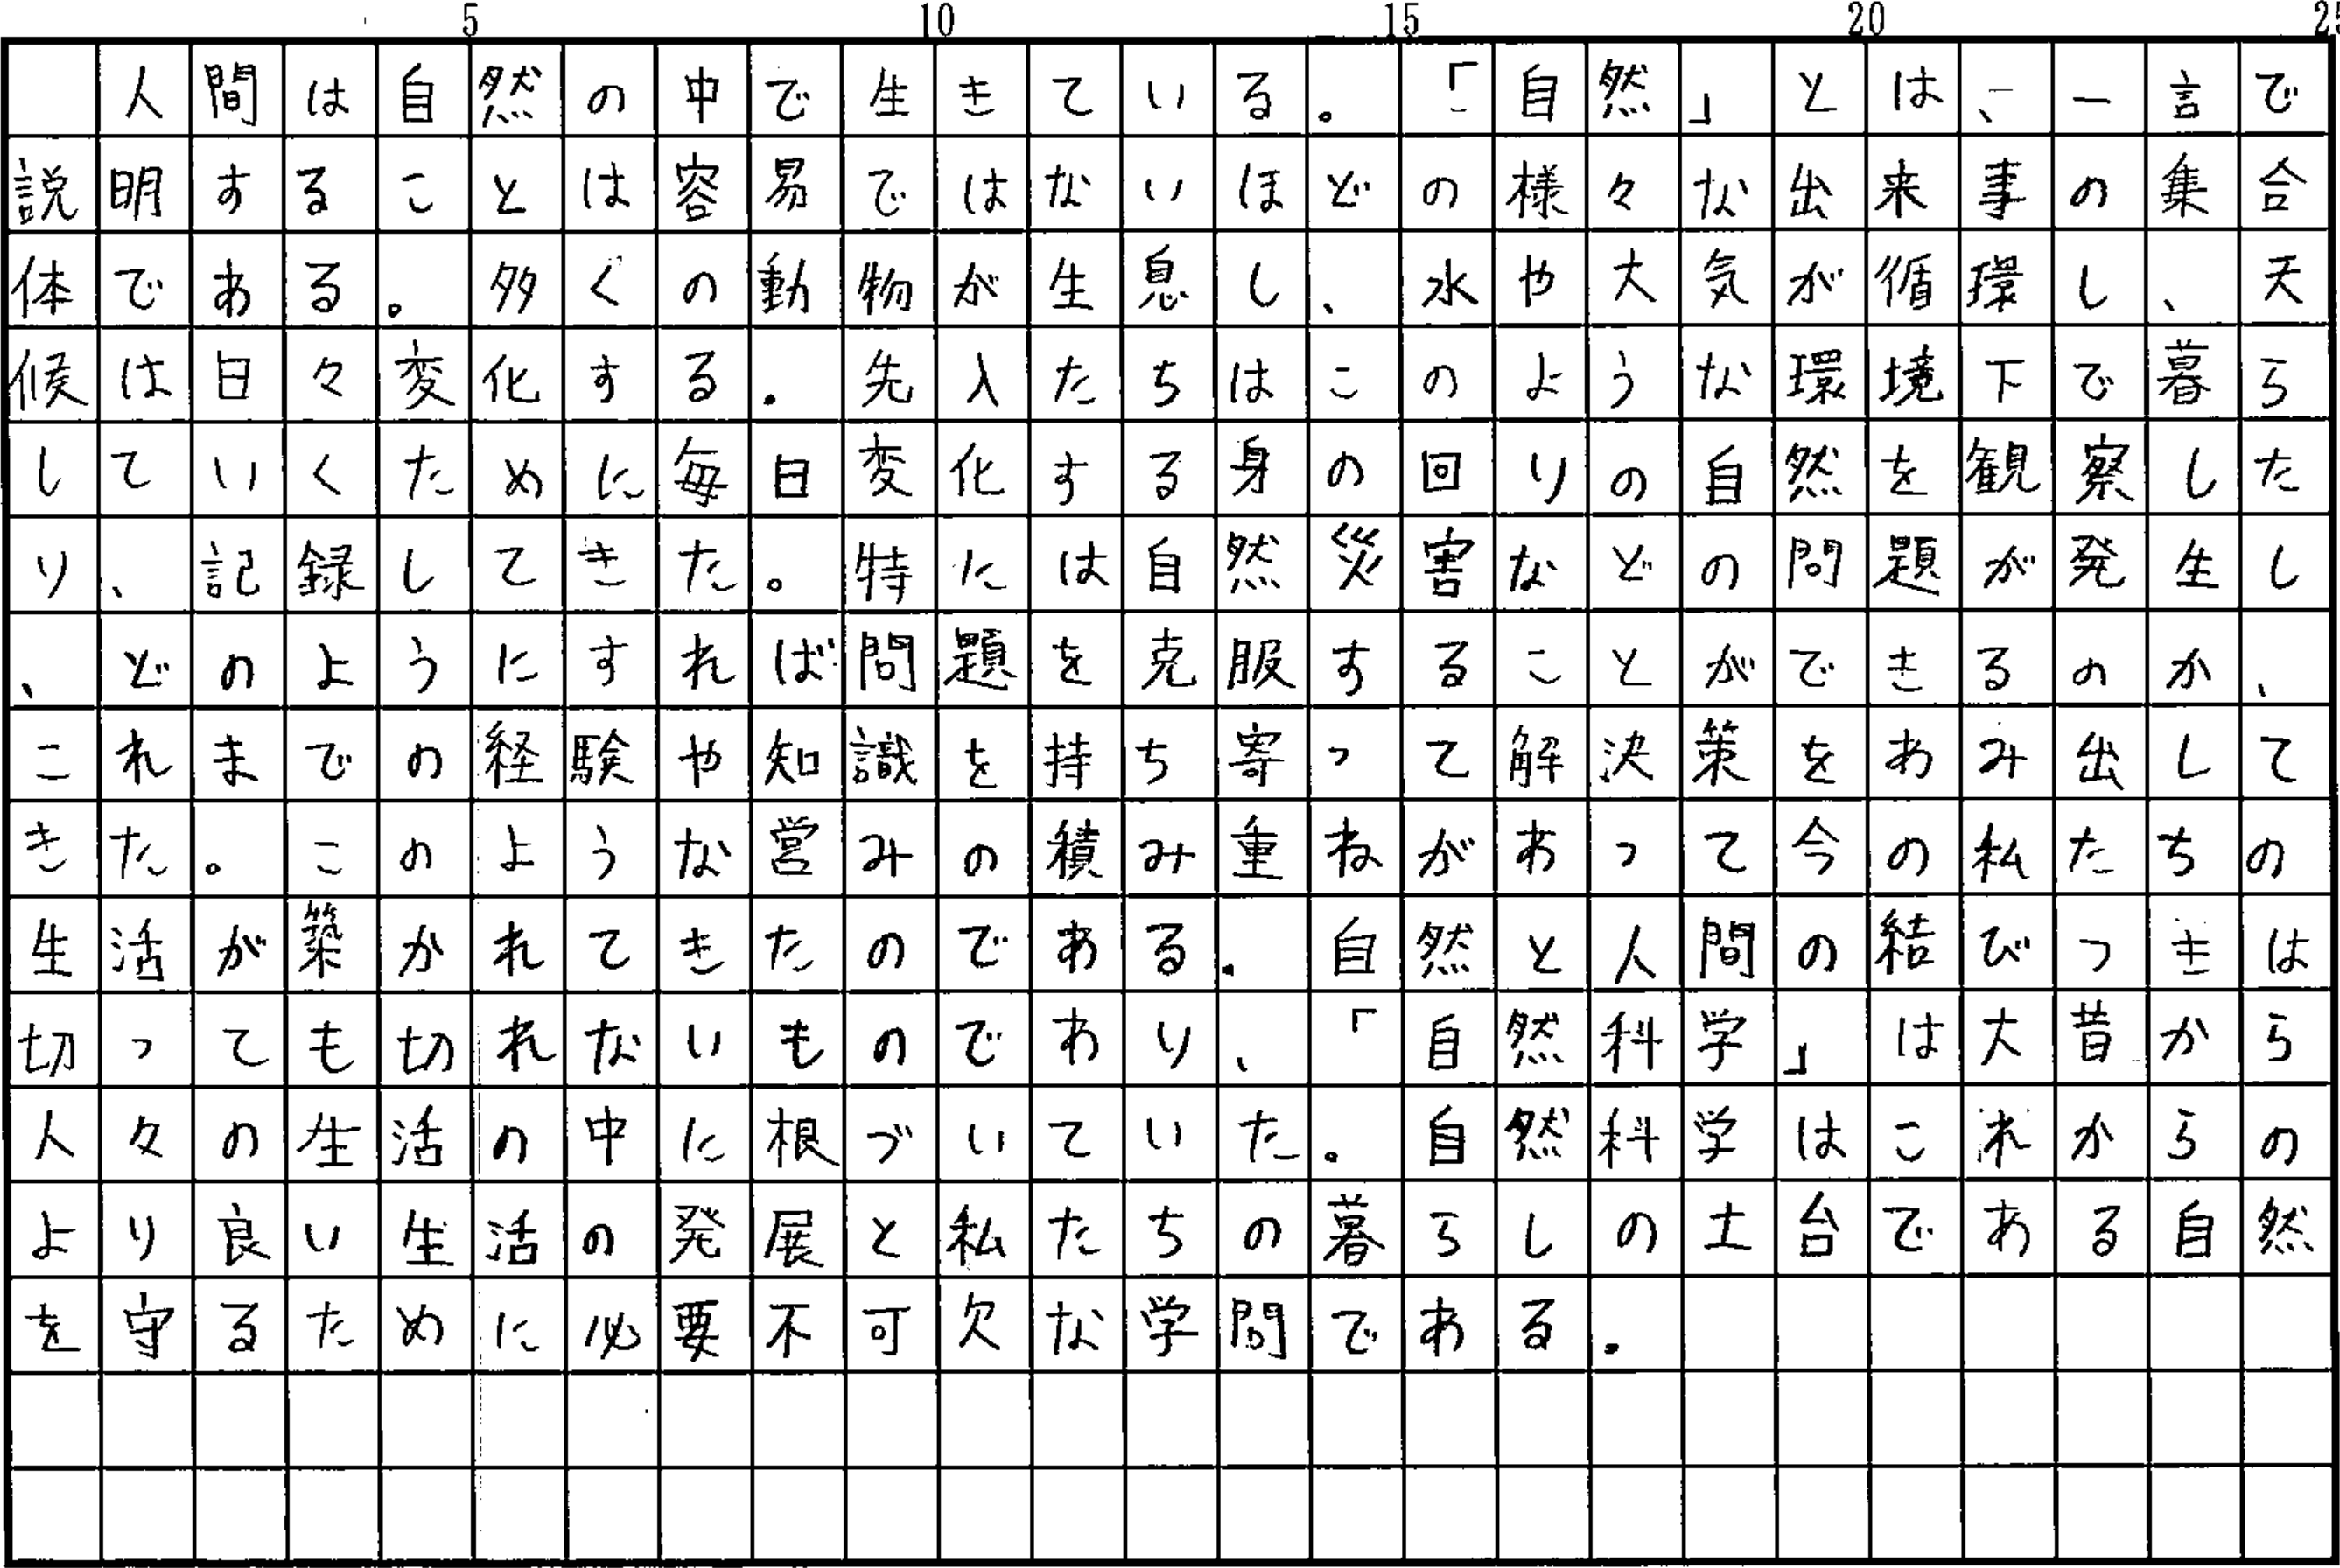　人間は自然の中で生きている。「自然」とは、一言で説明することは容易ではないほどの様々な出来事の集合体である。多くの動物が生息し、水や大気が循環し、天候は日々変化する。先入たちはこのような環境下で暮らしていくために毎日変化する身の回りの自然を観察したり、記録してきた。特には自然災害などの問題が発生し、どのようにすれば問題を克服することができるのか、これまでの経験や知識を持ち寄って解決策をあみ出してきた。このような営みの積み重ねがあって今の私たちの生活が築かれてきたのである。自然と人間の結びつきは切っても切れないものであり、「自然科学」は大昔から人々の生活の中に根づいていた。自然科学はこれからのより良い生活の発展と私たちの暮らしの土台である自然を守るために必要不可欠な学問である。
